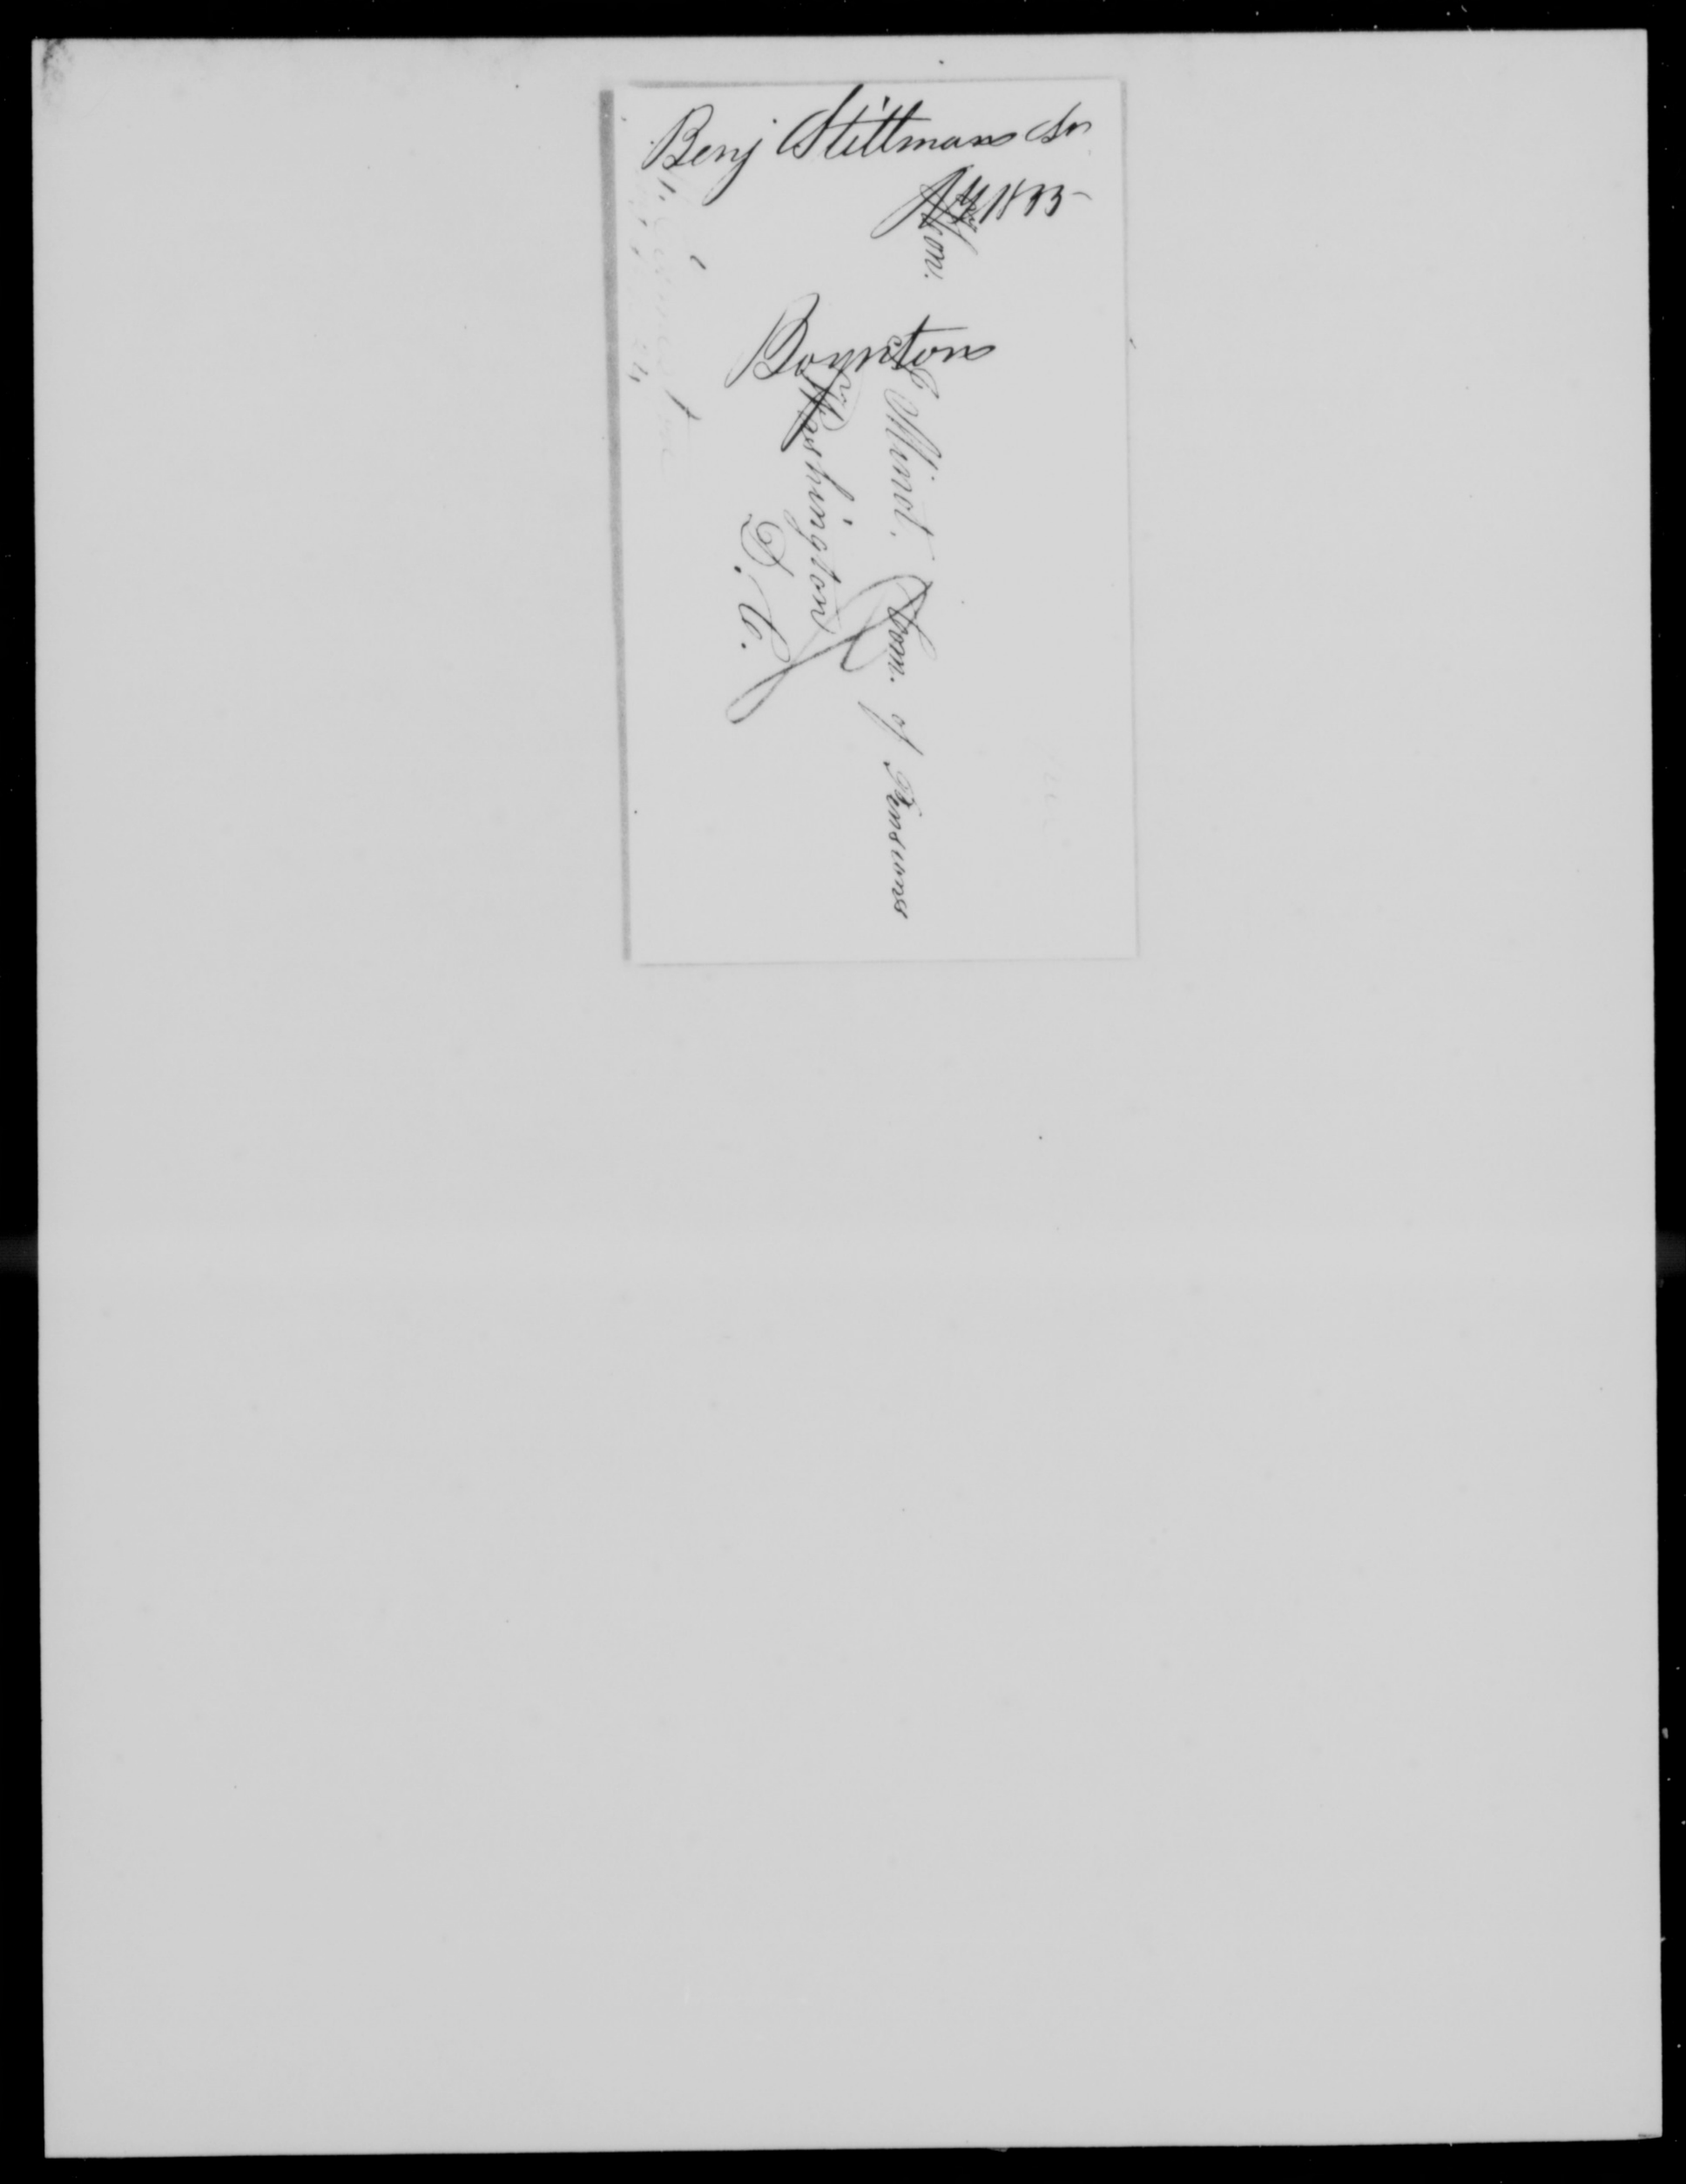Benj Stillman Sr
Free
Boynton

[vertical]
Hon. J. Minot
Com. of Pensions
Washington
D.C.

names: J Minot; Benj Stillman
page: 14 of 29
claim: bounty land warrant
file: B.L.Wt.47987-160-55, for Benjamin Stillman, Rhode Island